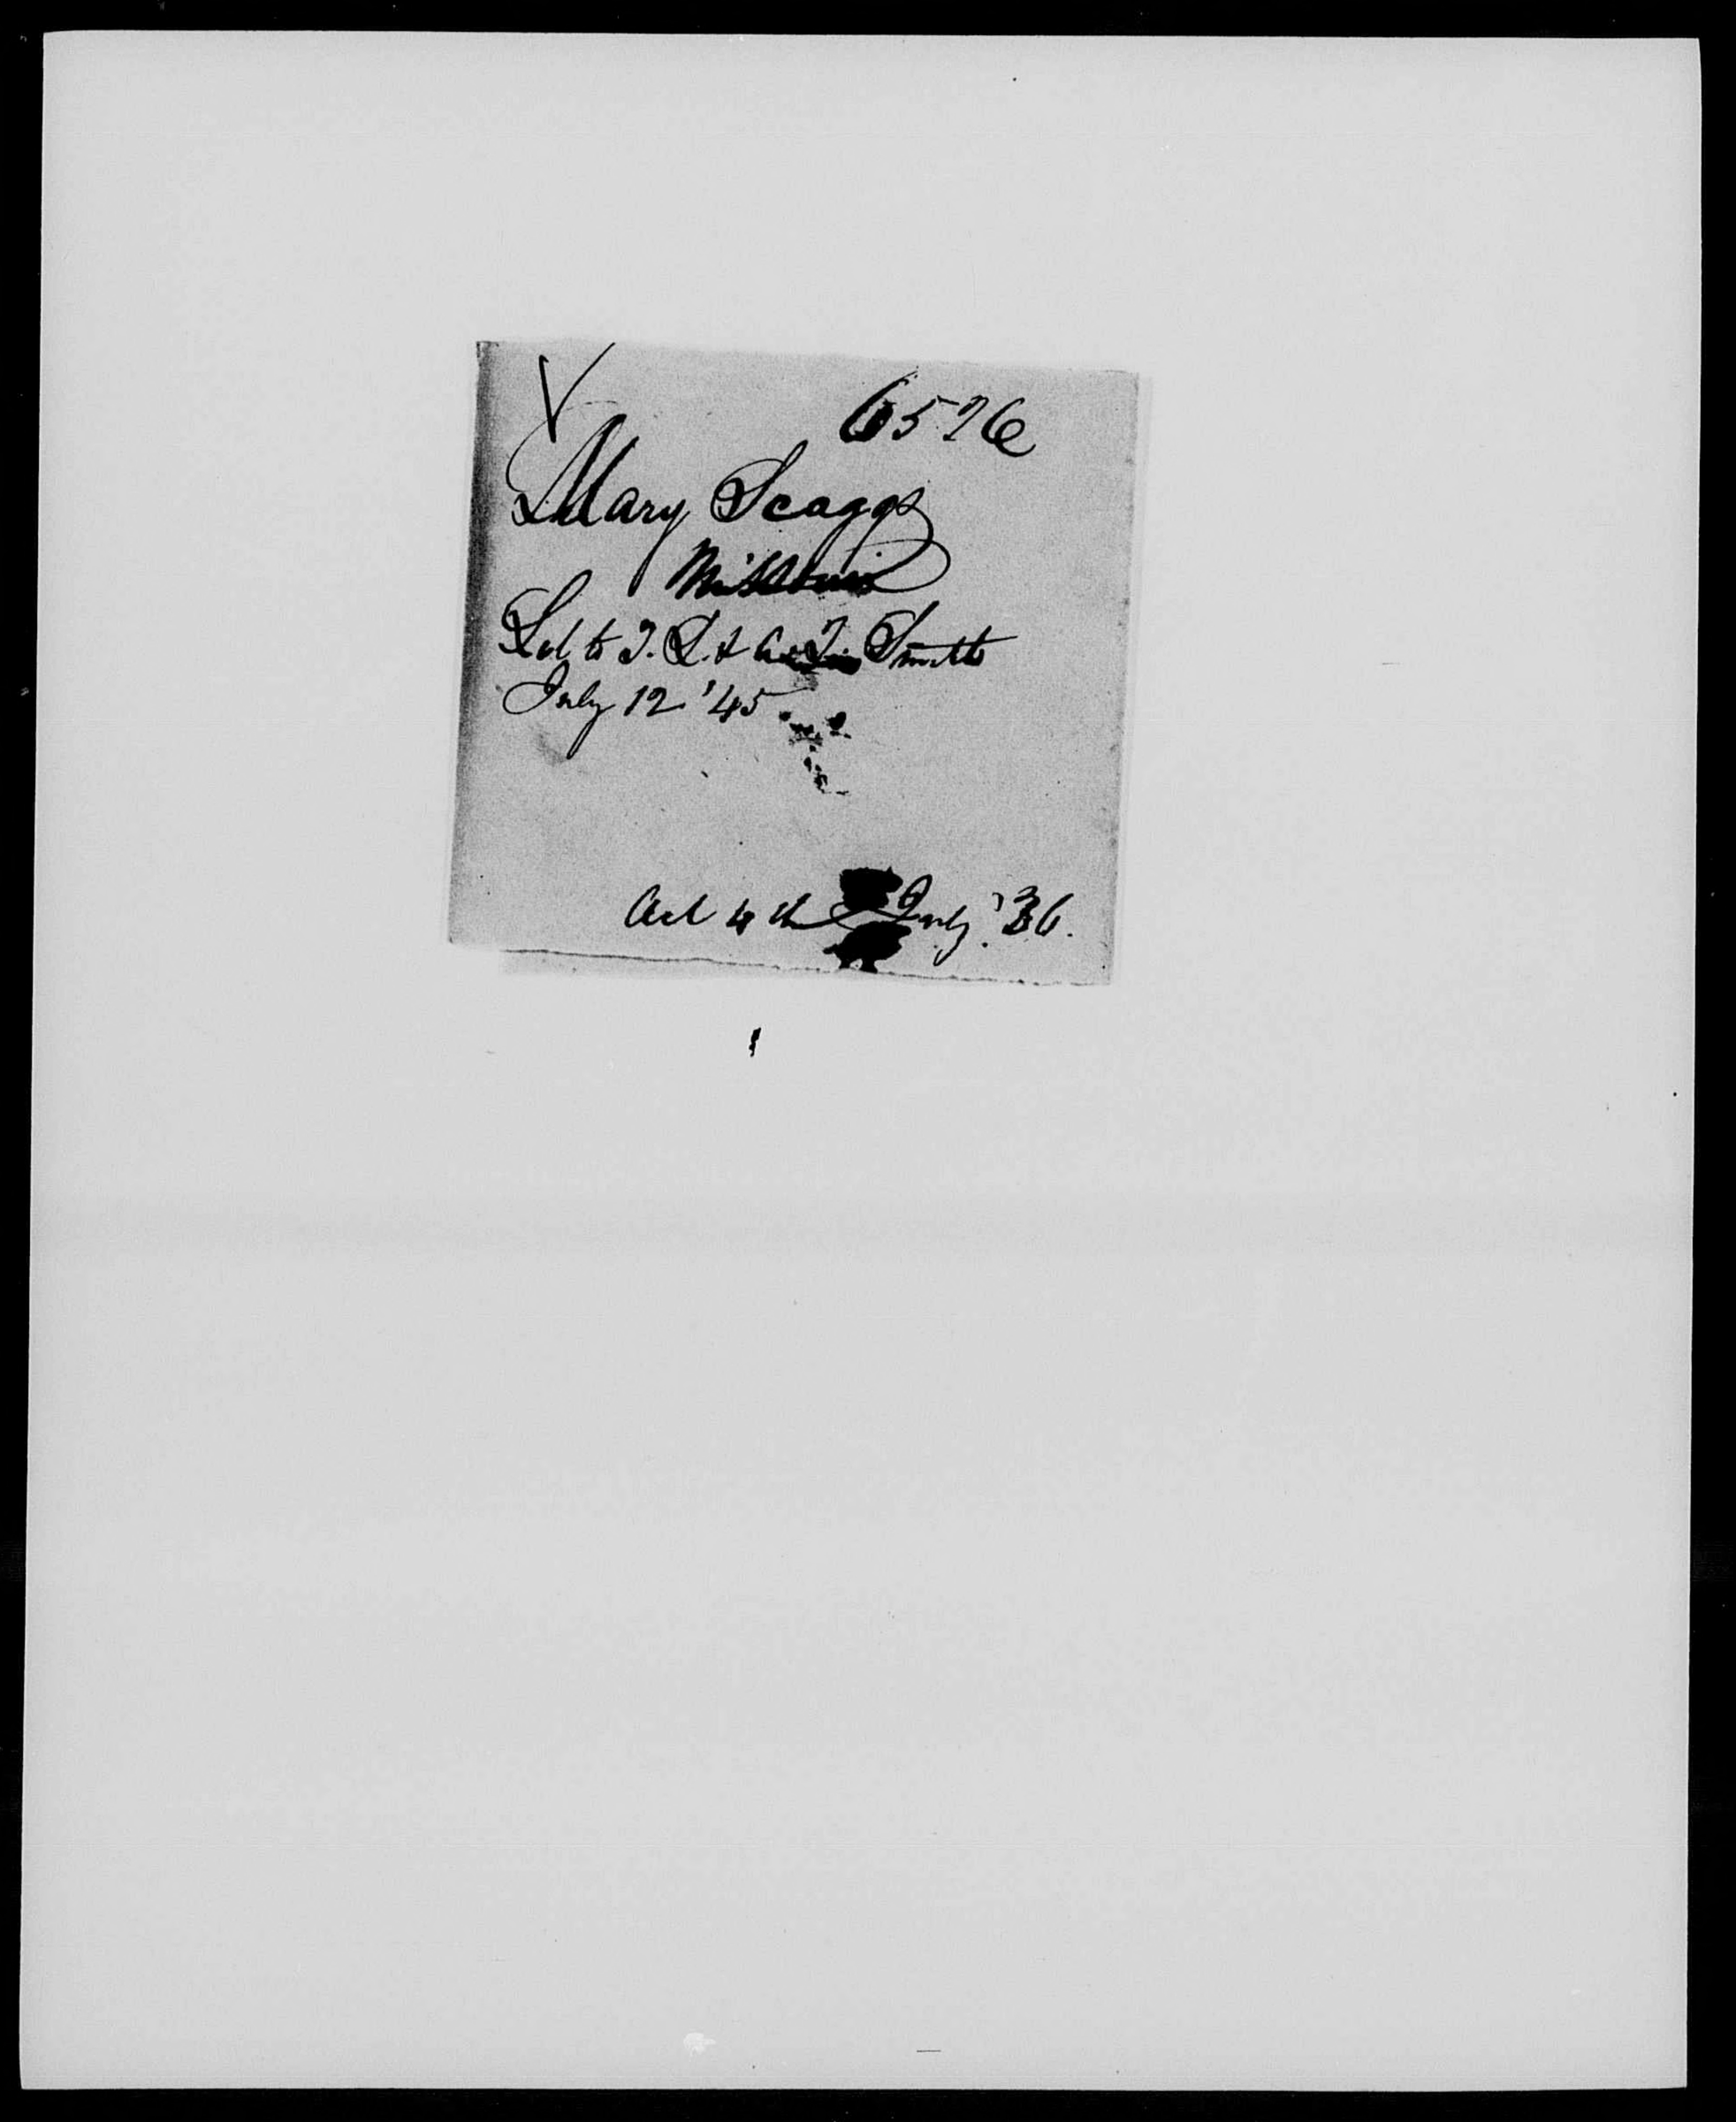6526
Mary Scaggs
Missouri

Let to T. L. & A. T. Smith
July 12 '45
Act 4 July '36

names: J L Smith, A T Smith, Mary Scaggs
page: 16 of 16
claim: rejected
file: R. 9,250, Fletcher Edwards, S.C.